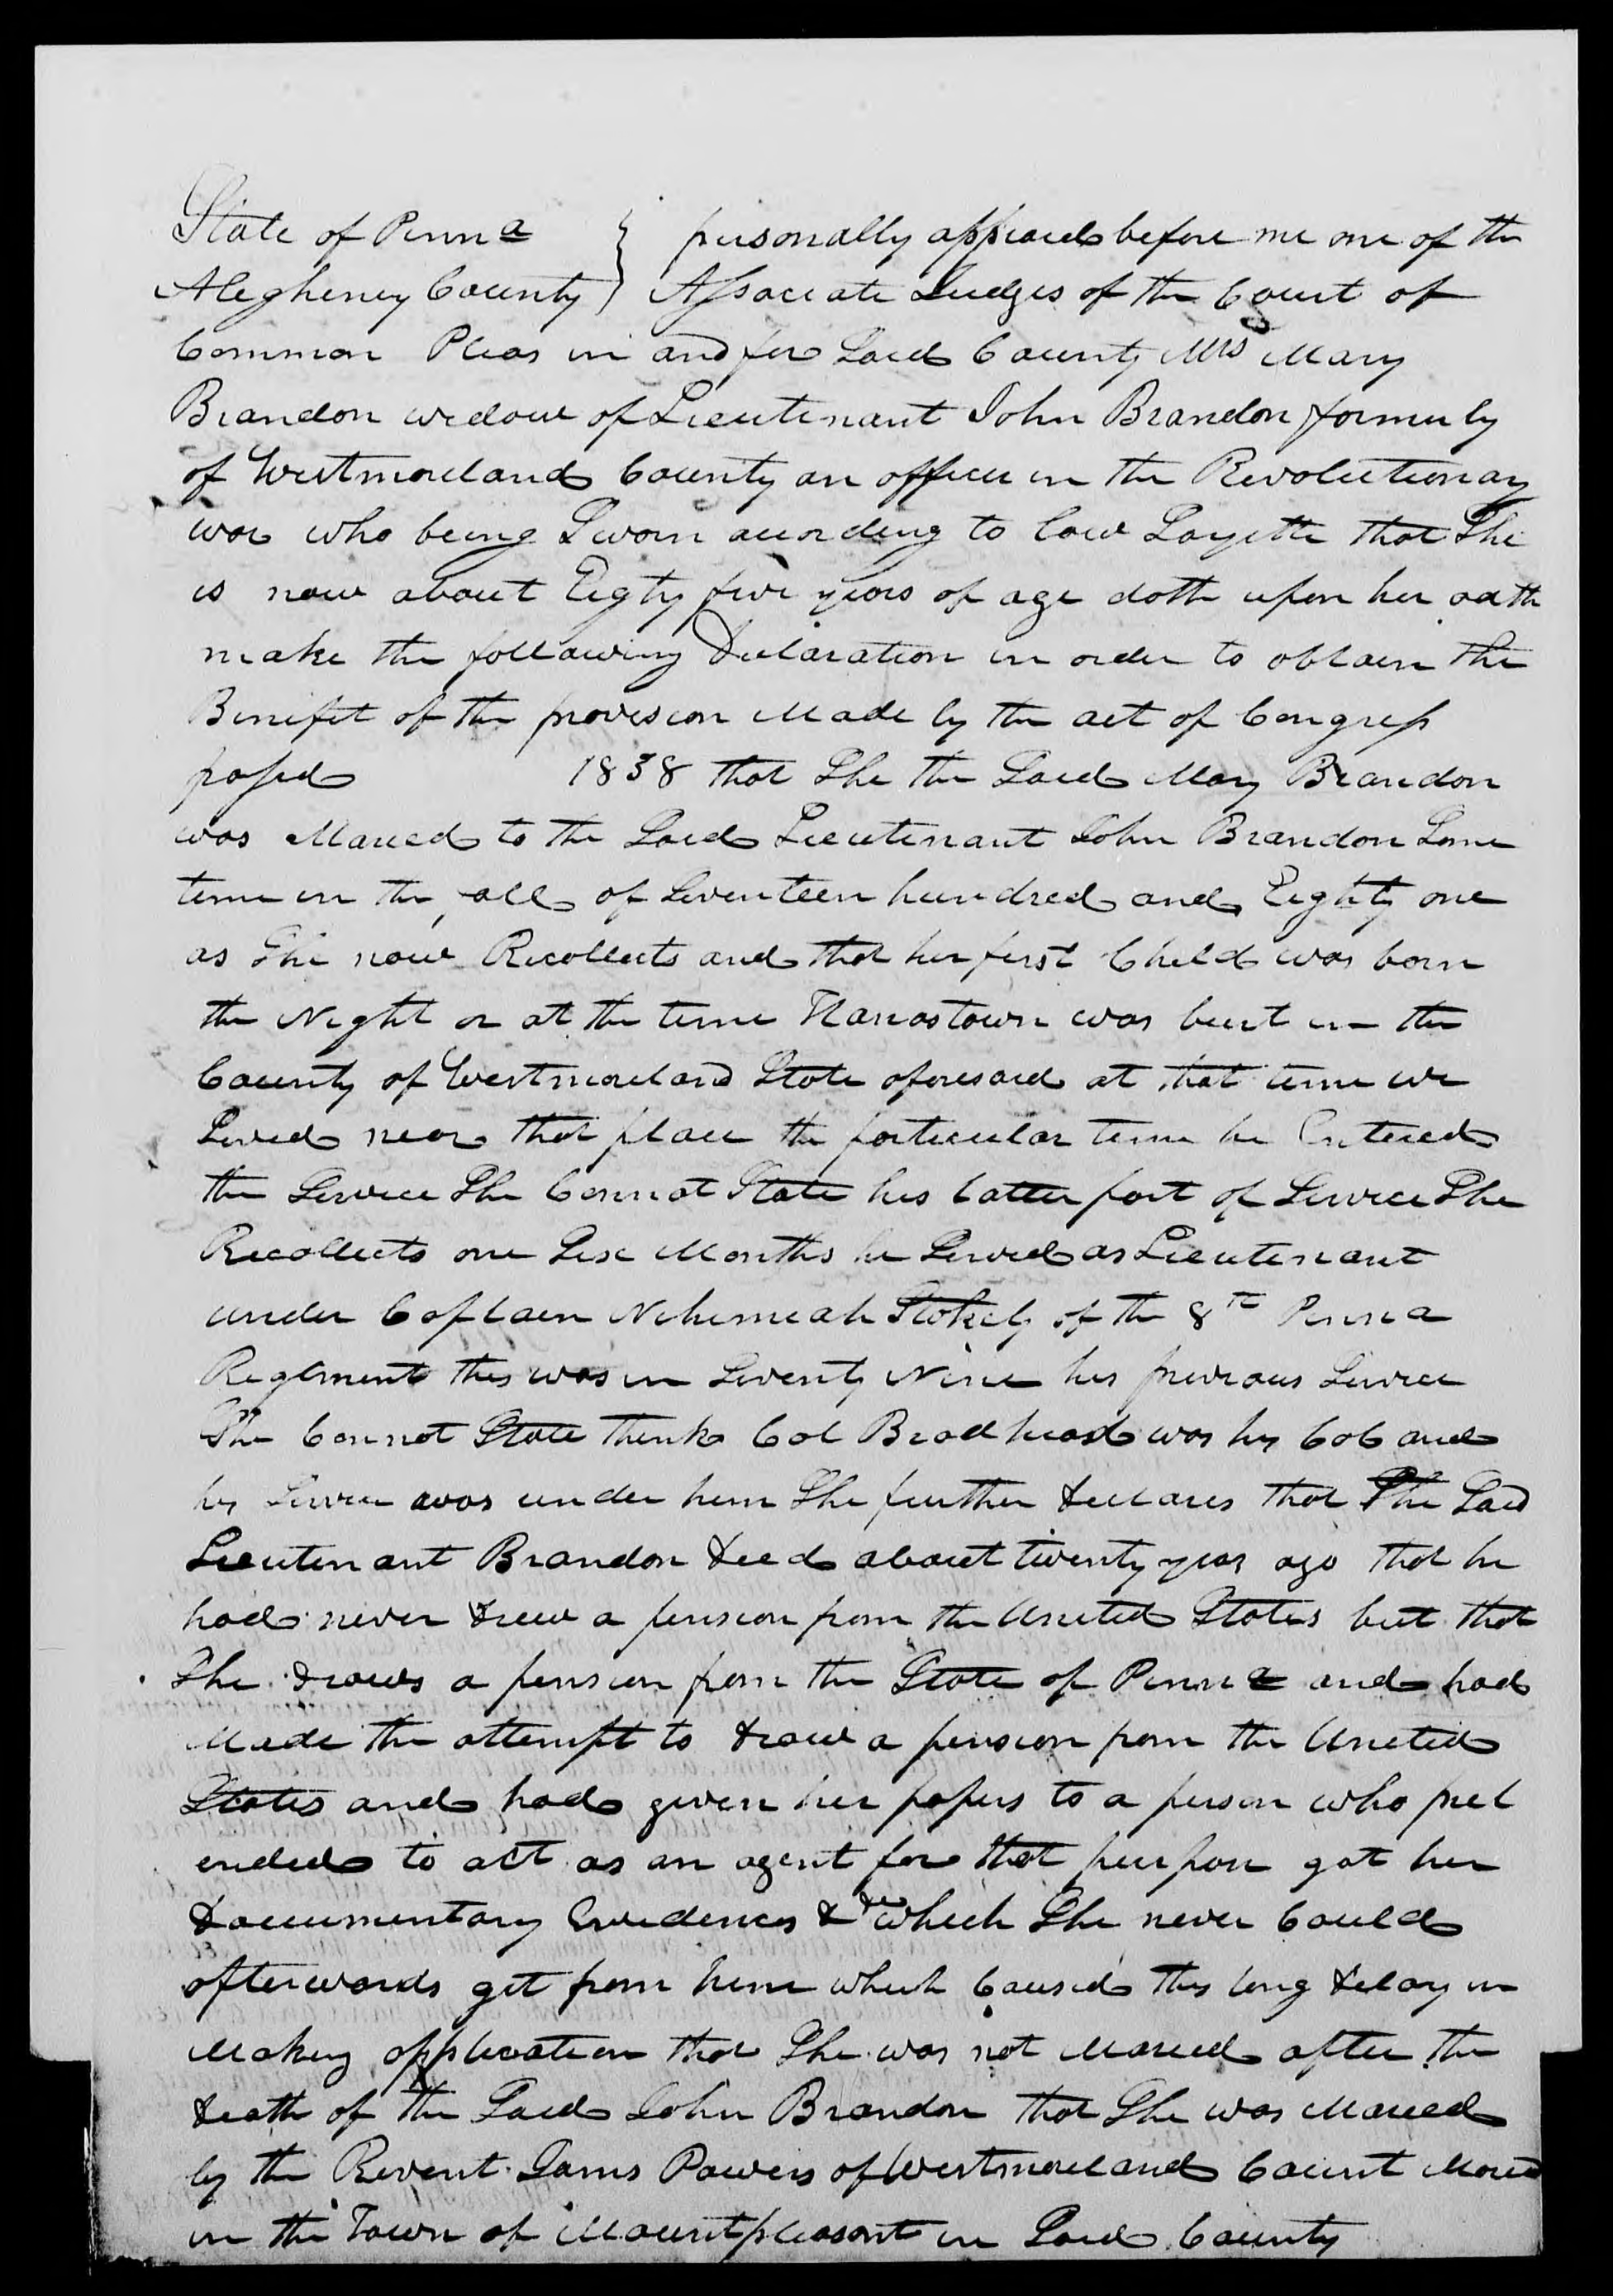State of Penna }
Alegheny County }
personally appeared before me one of the Associate Judges of the Court of Common Pleas in and for Said County Mrs Mary Brandon widow of Lieutenant John Brandon formerly of Westmoreland County an officer in the Revolutionary war who being Sworn according to law Sayeth that She is now about Eighty five years of age doth upon her oath make the following declaration in order to obtain the Benefit of the provision made by the act of Congress passed   1838 that She the Said Mary Brandon was Maried to the Said Lieutenant John Brandon Some time in the fall of Seventeen hundred and Eighty one as She now Recollects and that her first Child was born the Night or at the time Hanastown [Hannastown] was burt [burnt] in the County of Westmoreland State aforesaid at that time we Lived near that place the particular time he entered the Service she cannot State his latter part of Service She Recollects one Six Months he Served as Lieutenant under Captain Nehemiah Stokely of the 8th Penna Regiment this was in Seventy Nine his previous Service She Cannot State thinks Col Brodhead was his Col and his Service was under him She further declares that the Said Lieutenant Brandon died about twenty years ago that he had never drew a pension from the United States but that She draws a pension from the State of Penna and had made the attempt to draw a pension from the United States and had given her papers to a person who pretended to act as an agent for that purpose got her documentary Evidences & to which She never could afterwards get from him which caused this long delay in making application that She was not maried after the death of the Said John Brandon that She was maried by the Revent James Powers of Westmoreland Count[y] maried in the Town of Mount pleasant in Said County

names: John Brandon, Brodhead, Jams Powers, Brandon, Mary Brandon, Mary Brandon, John Brandon, John Brandon, Nehemiah Stokely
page: 4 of 83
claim: widow's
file: W. 5946, John Brandon, Penn